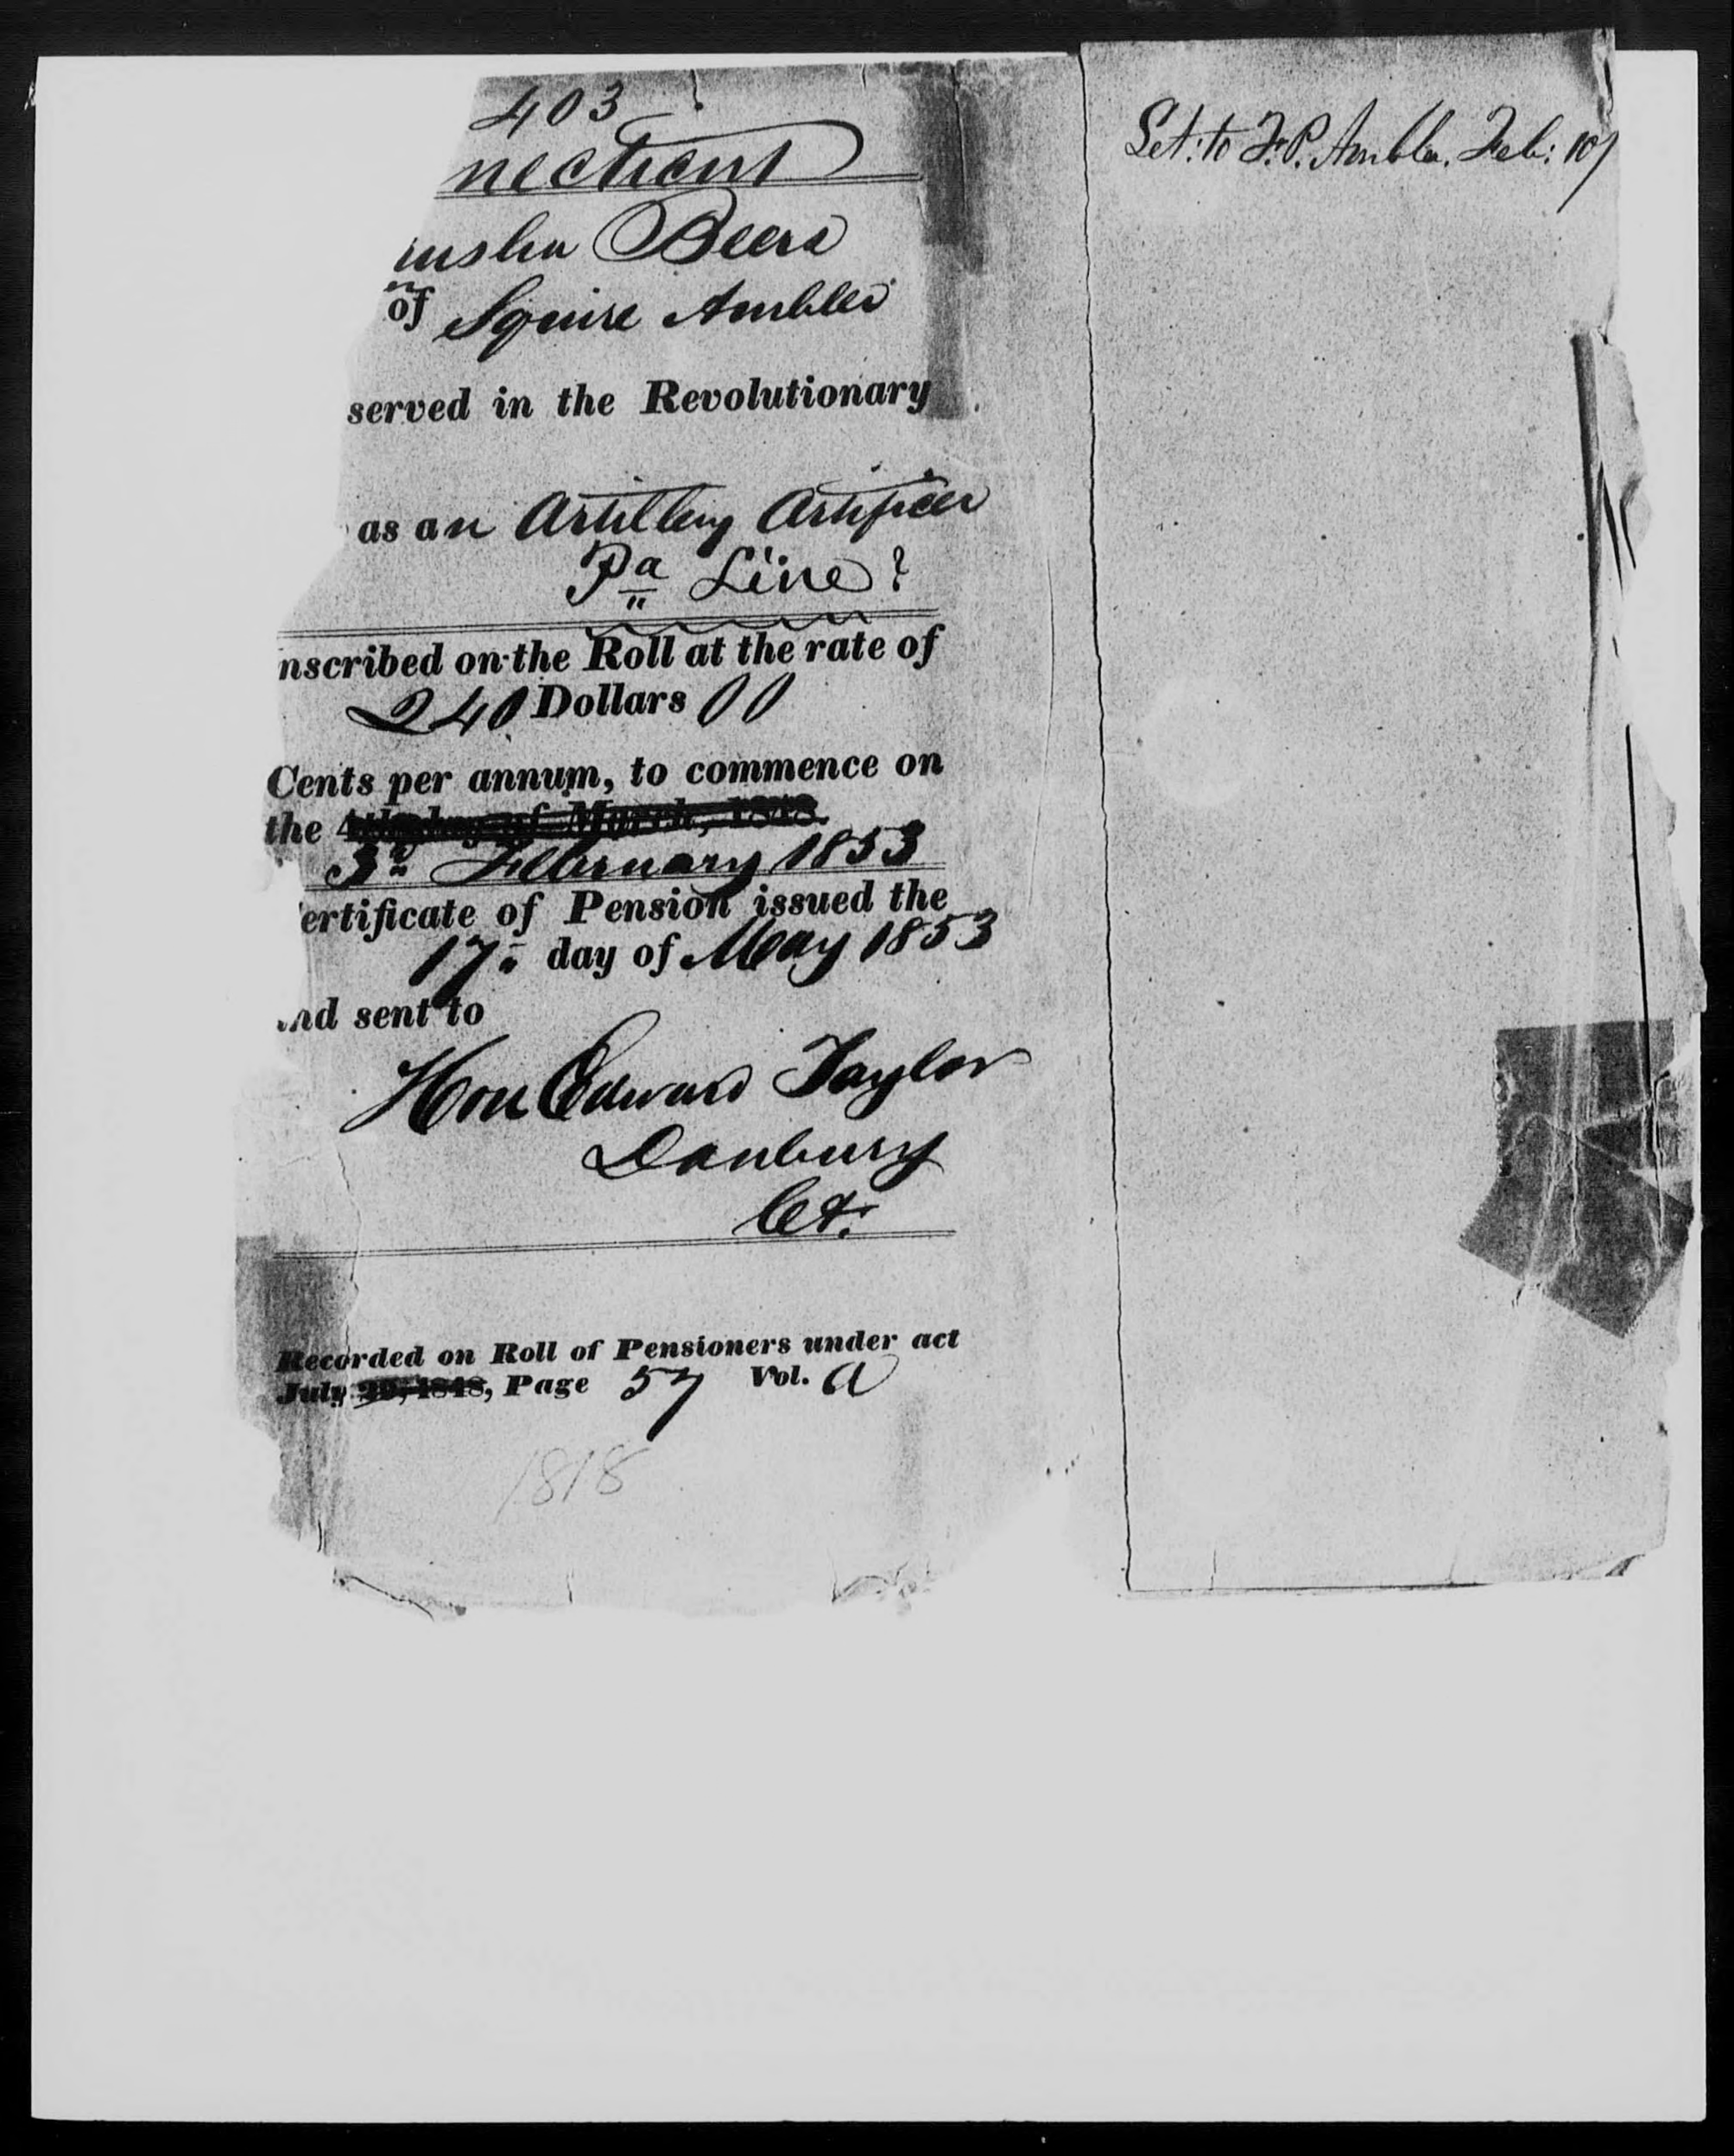[Torn]403 
[Torn] [Con]necticut 
[Torn] [Jer]usha Beers 
of Squire Ambler 
[Torn] served in the Revolutionary 
[Torn] as an Artillery Artificer Pa Line 
[Torn] nscribed on the Roll at the rate of 
240 Dollars 00 
[Torn] Cents per annum, to commence on 
[Torn] the 3rd February 1853 
[Torn] [C]ertificate of Pension issued the 
17 day of May 1853
[Torn] and sent to 
Hon Edward Taylor Danbury Ct.
Recorded on Roll of Pensioners under act 
July [scratched out] Page 57 Vol. A
1818 
Let to F.P. Ambler. Feb. 10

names: Squire Ambler, Jerusha Beers, F P Ambler, Edward Taylor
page: 14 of 39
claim: widow's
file: W. 2,056, Squire Ambler, Continental (Sol. Res. In N.Y. & Conn.)